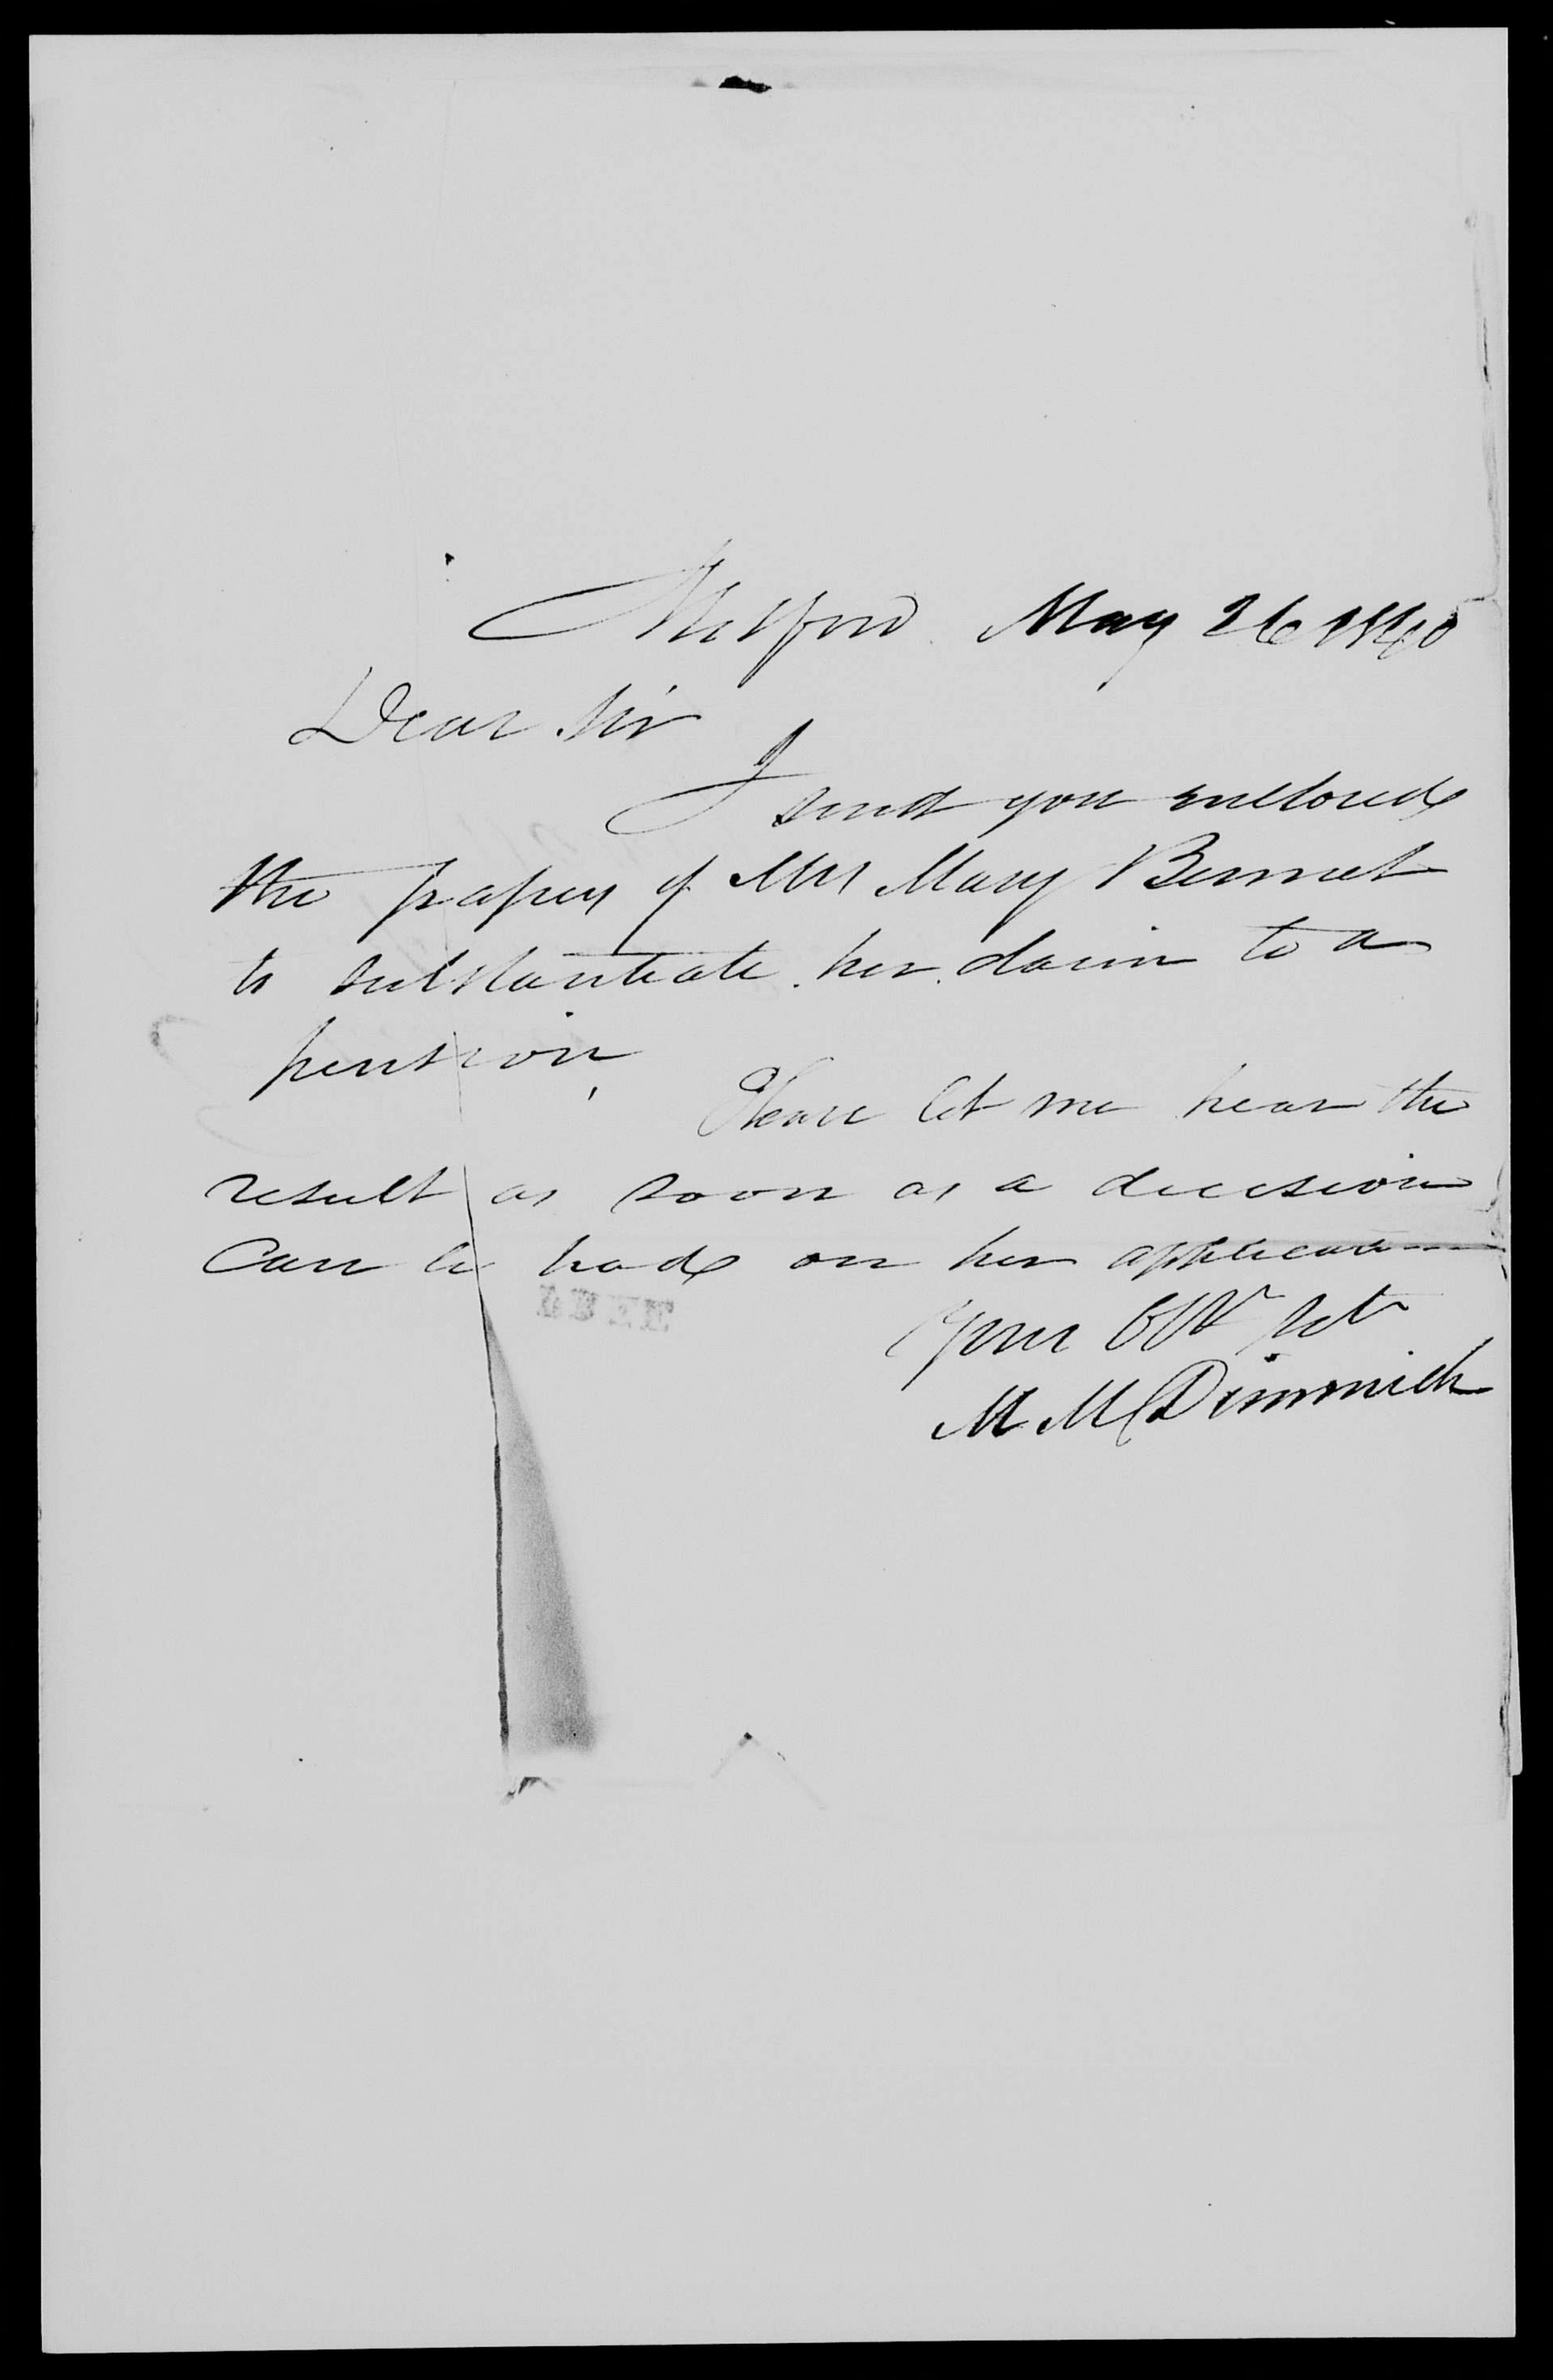Melford May 26
Dear Sir
I sent you enclosed 
the papers
of Mrs. Mary Bennet
to substantiate her claim to a
pension
please let me hear the
result as soon as a decision
can be had on her application
Your Obt Serv
M M Dimmick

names: M M Dimmick, Mary Bennet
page: 58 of 79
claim: widow's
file: W. 2,906, Stephen Bennet, Conn.